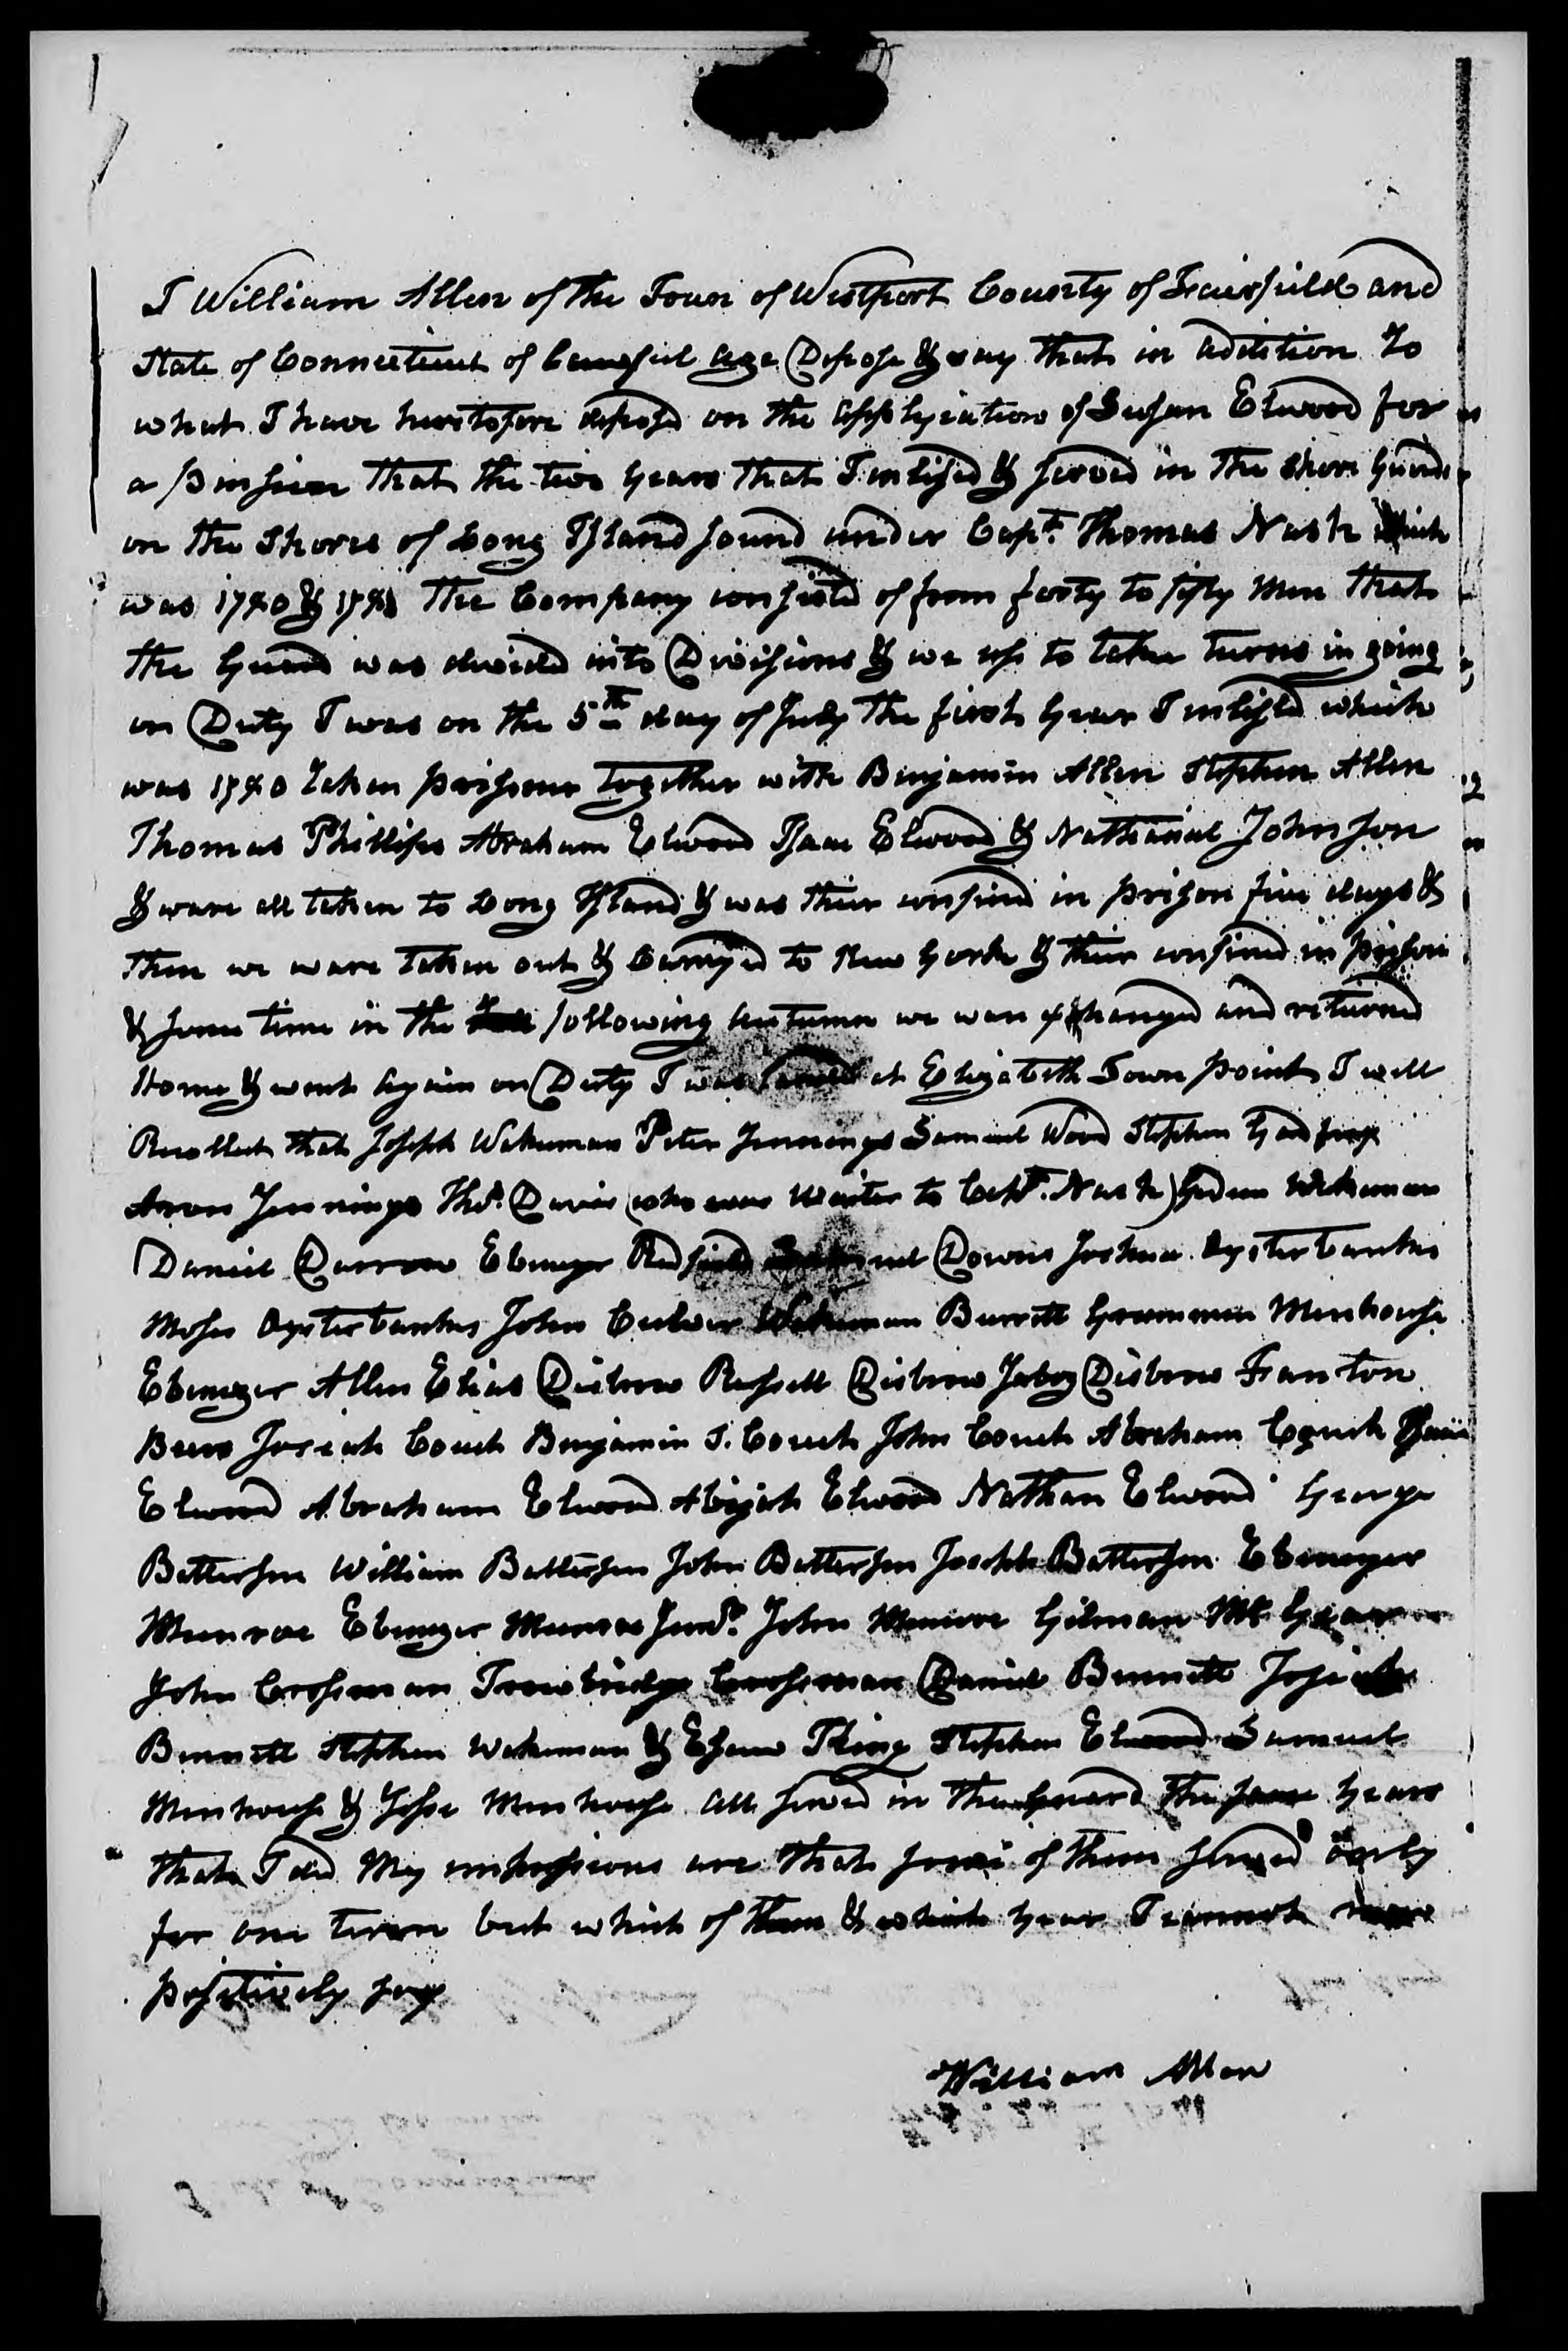Conn. Elwood, Abijah W. 25562
Susan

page: 25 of 69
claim: widow's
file: W. 25562, Abijah Elwood, Conn.